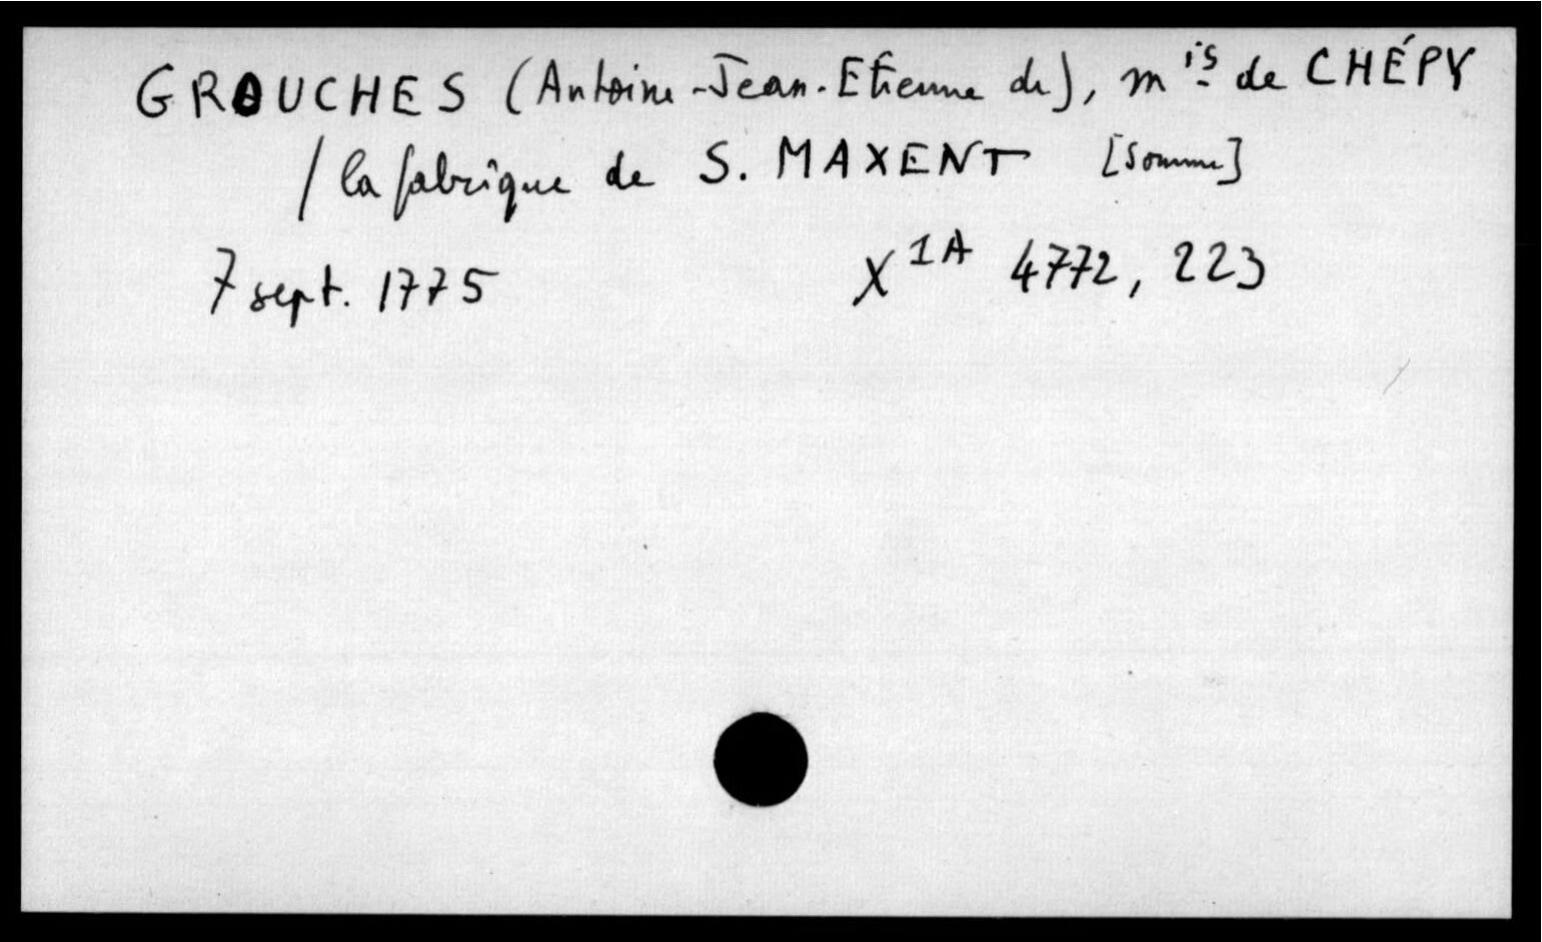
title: GROUCHES (Antoine-Jean-Étienne de), marquis de CHÉPY
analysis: Contre la fabrique de SAINT-MAXENT [Somme]
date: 7 septembre 1775
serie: X1A
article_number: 4772
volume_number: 223
